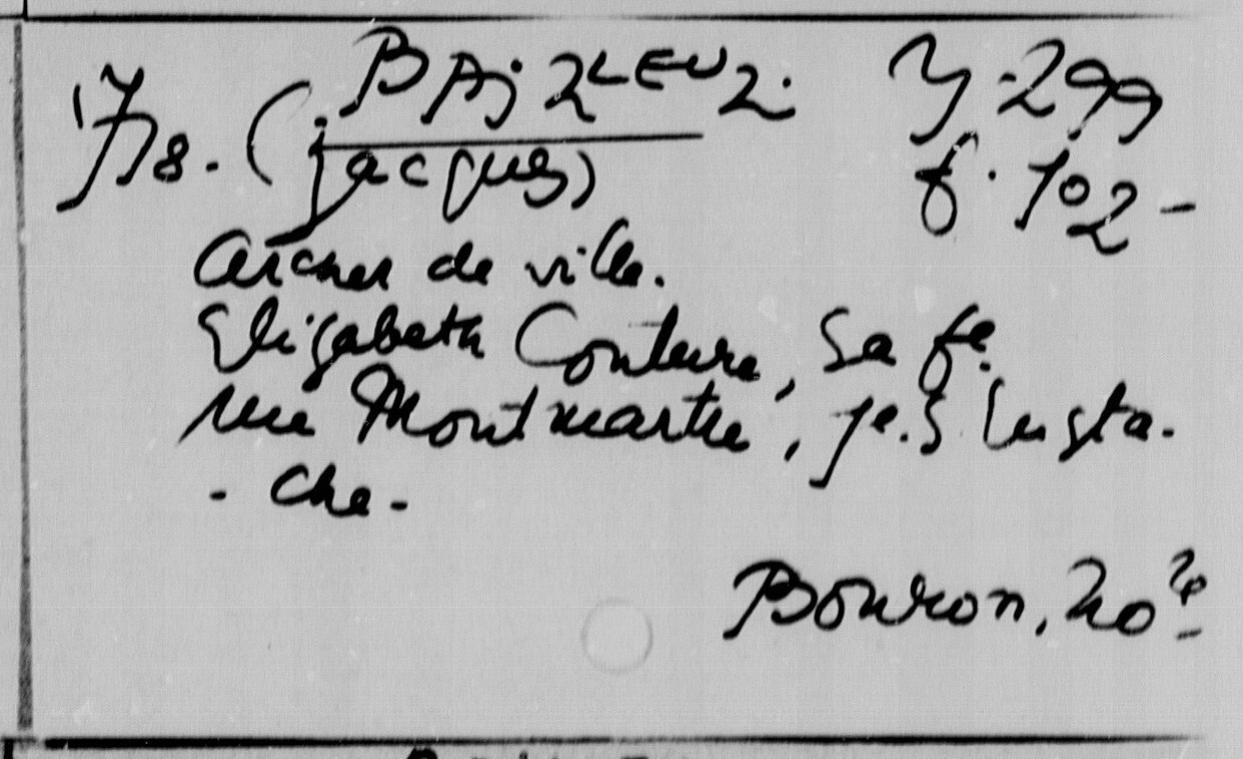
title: BAILLEUL (Jacques)
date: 1718
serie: Y
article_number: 299
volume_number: folio 102
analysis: Archer de ville Elizabeth Couture, sa femme, rue Montmartre, paroisse Saint Eustache Bouron, notaire
